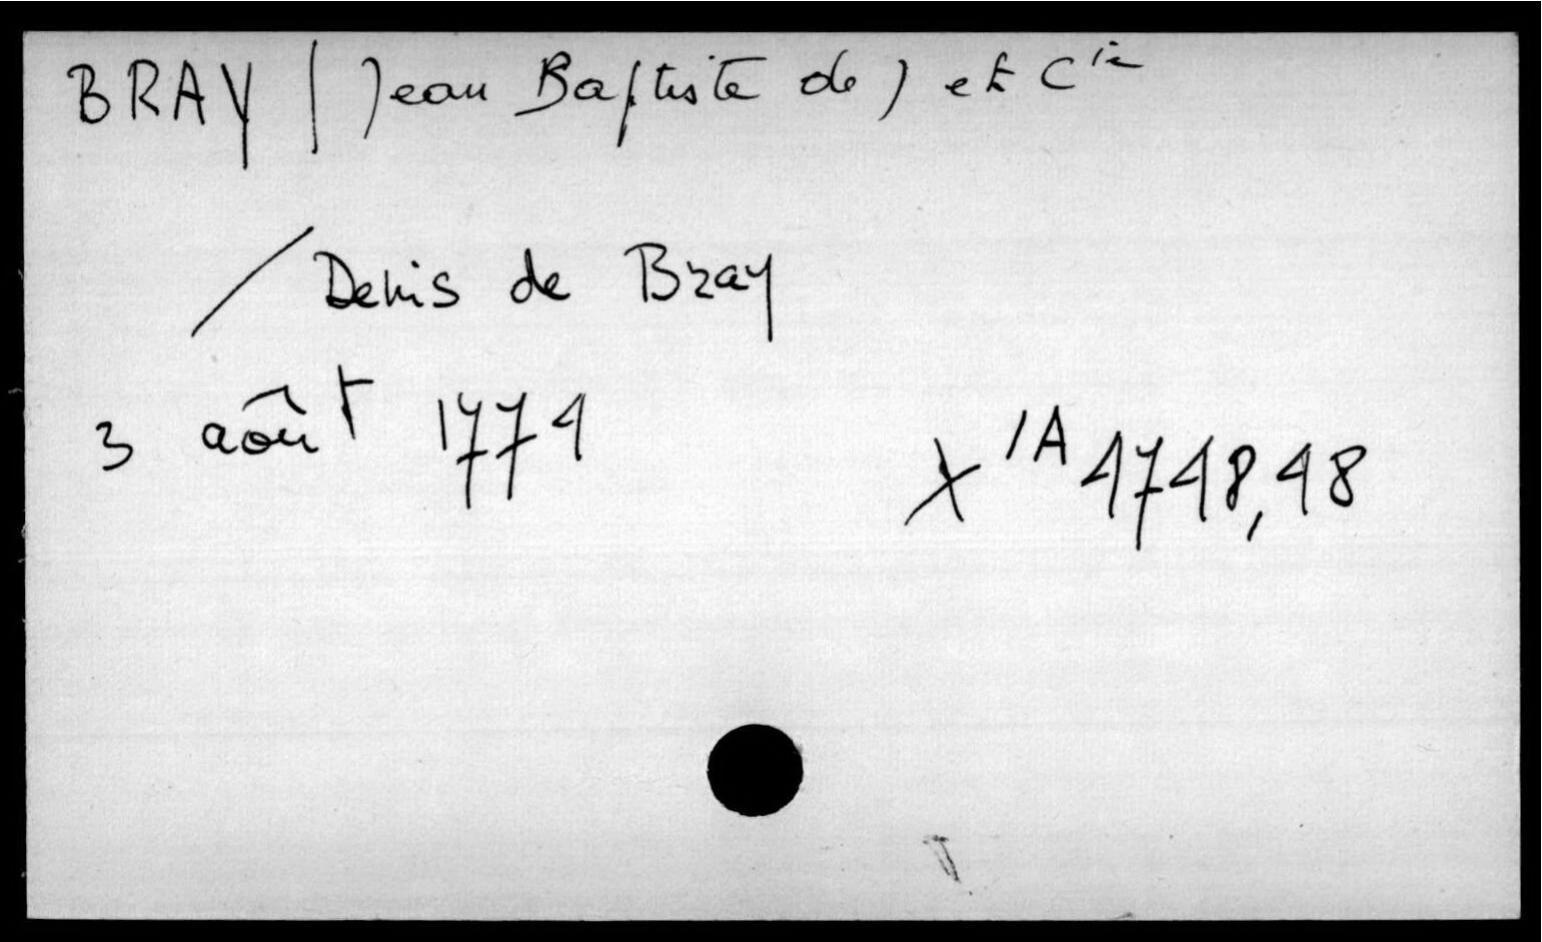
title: BRAY (Jean Baptiste de) et Compagnie
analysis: Contre Denis de Bray
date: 3 août 1774
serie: X1A
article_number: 4748
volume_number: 48
